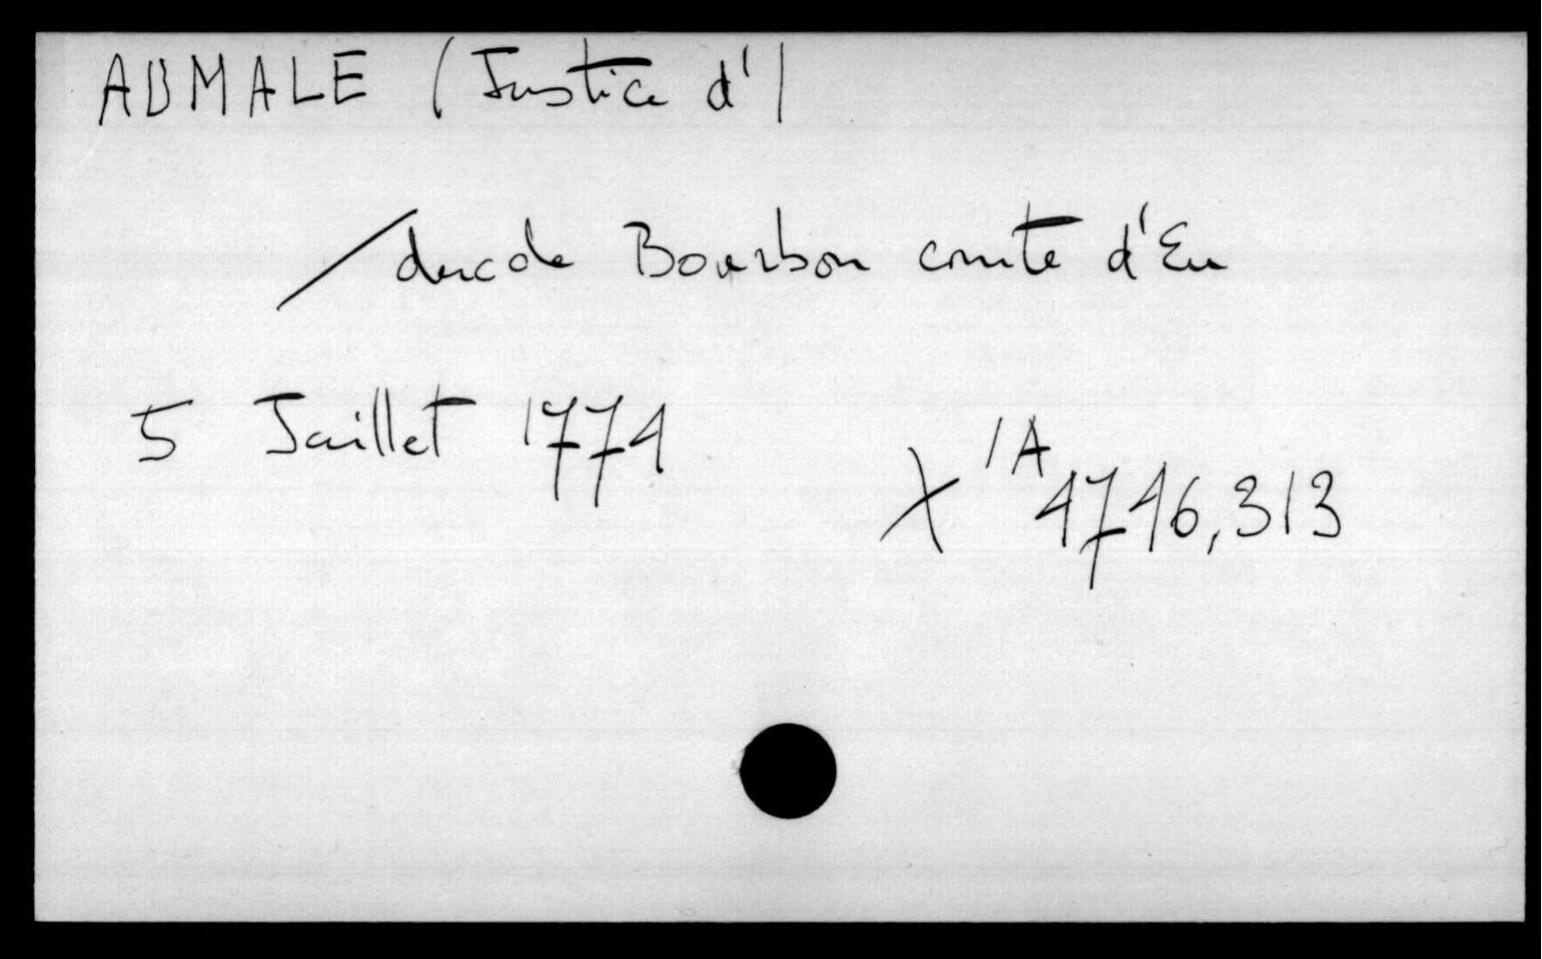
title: AUMALE (Justice d')
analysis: Contre duc de Bourbon comte d'Eu
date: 5 juillet 1774
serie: X1A
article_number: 4746
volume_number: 313
